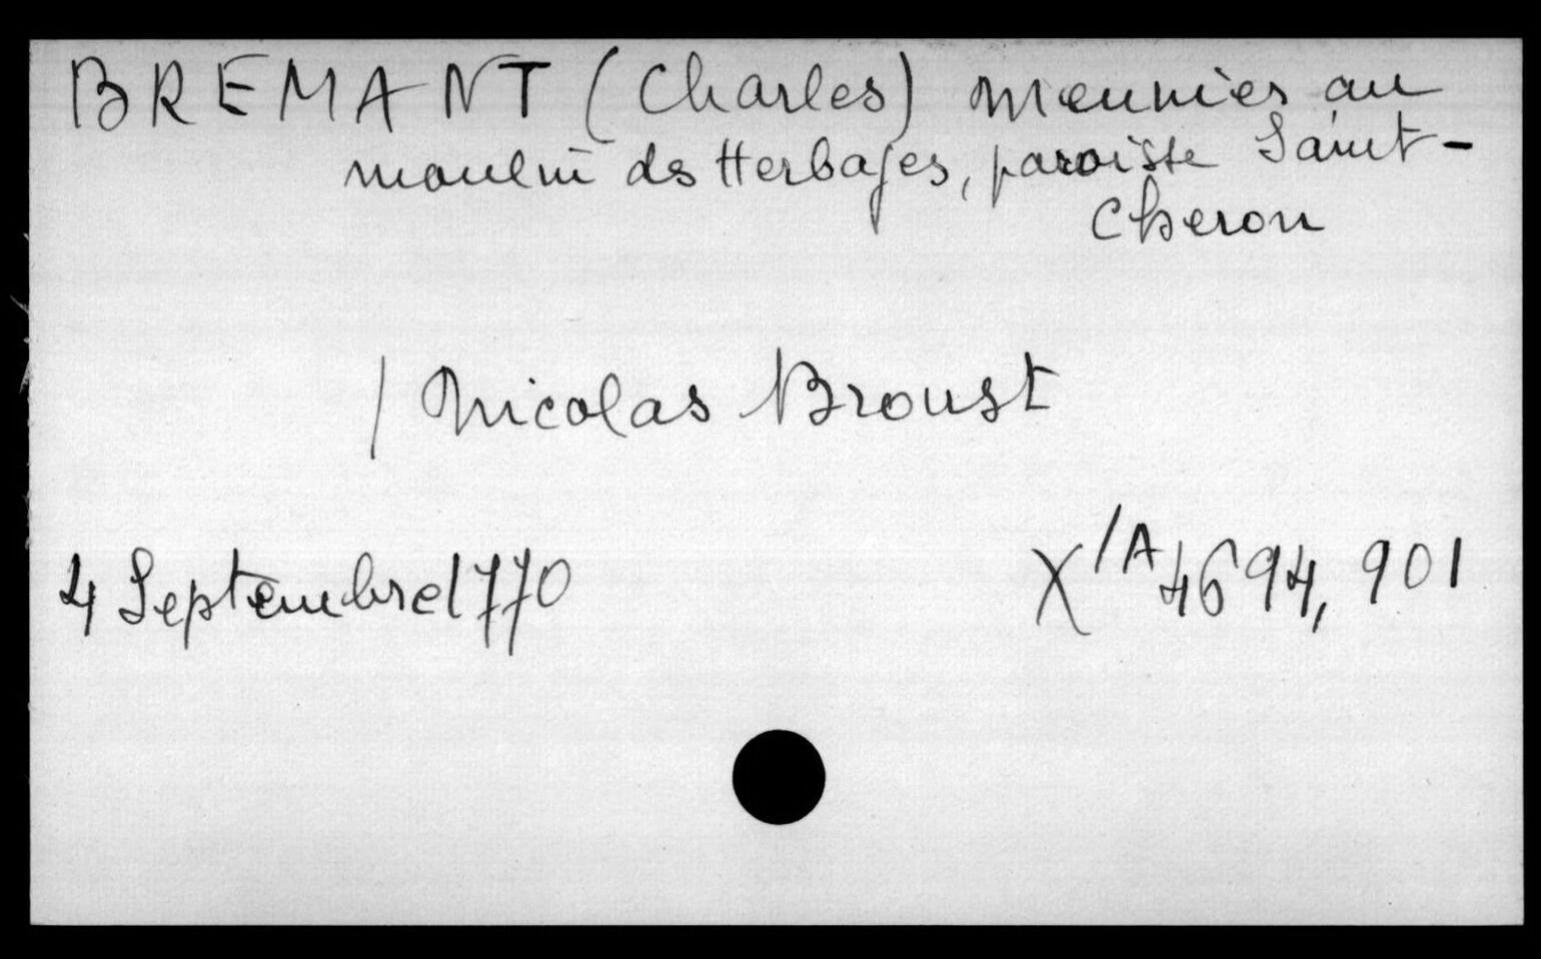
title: BREMANT (Charles) meunier au moulin des Herbages, paroisse Saint-Cheron
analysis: Contre Nicolas Broust
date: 4 septembre 1770
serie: X1A
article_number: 4694
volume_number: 901
